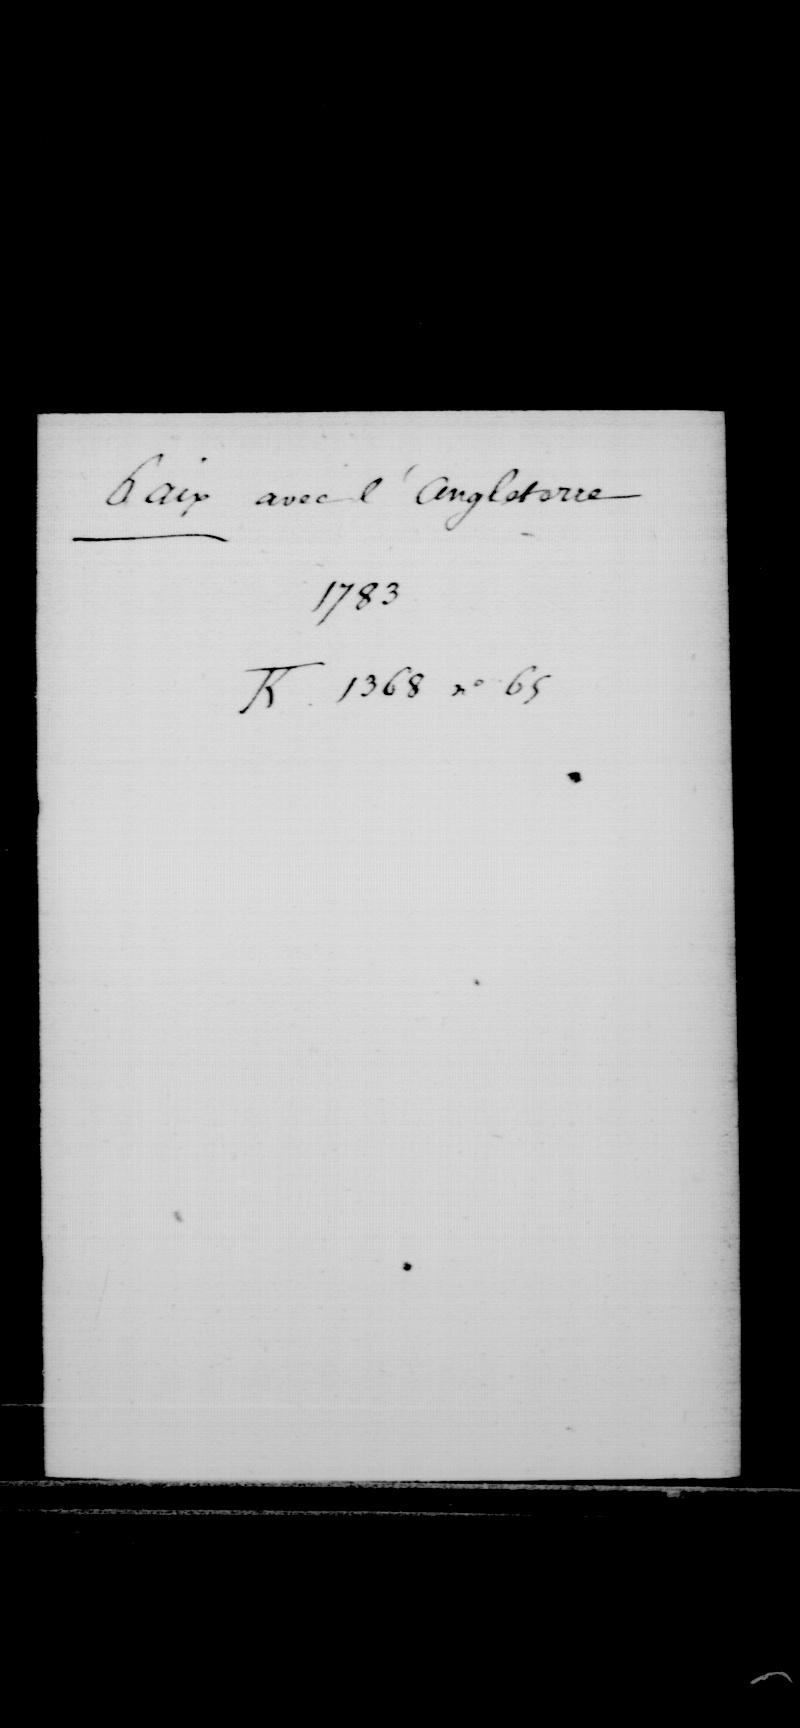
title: Paix avec l'Angleterre
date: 1783
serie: K
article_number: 1368
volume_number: n° 65
